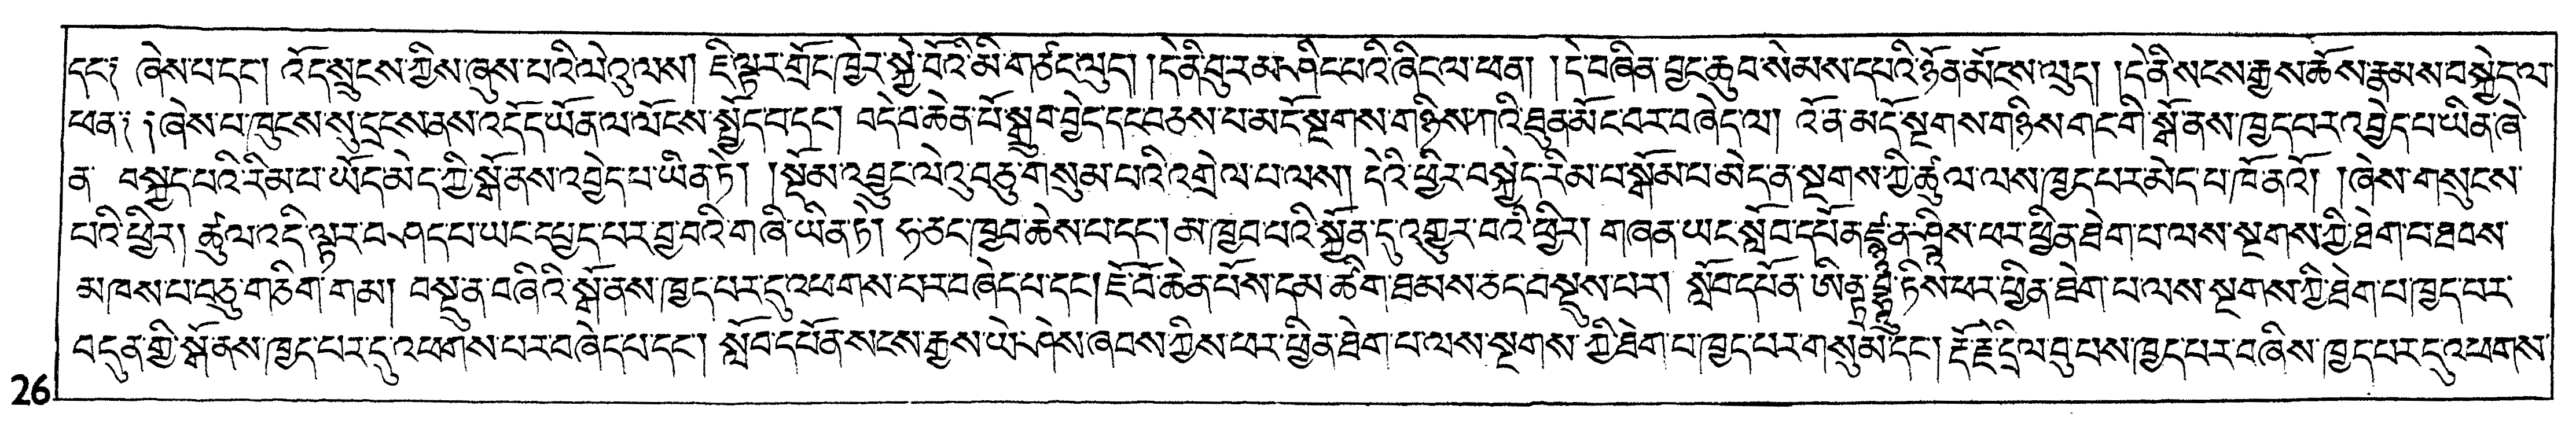དང༑ ཞེས་པ་དང་། འོད་སྲུངས་ཀྱིས་ཞུས་པའི་ལེའུ་ལས། ཇི་ལྟར་གྲོང་ཁྱེར་སྐྱེ་བོའི་མི་གཙང་ལུང་། །དེ་ནི་བུ་རམ་ཤིང་པའི་ཞིང་ལ་ཕན། །དེ་བཞིན་བྱང་ཆུབ་སེམས་དཔའི་ཉོན་མོངས་ལུད། །དེ་ནི་སངས་རྒྱས་ཆོས་རྣམས་བསྐྱེད་ལ་
ཕན༑ ༑ཞེས་པ་ཁུངས་སུ་དྲངས་ནས་འདོད་ཡོན་ལ་ལོངས་སྤྱོད་པ་དང་། བདེ་བ་ཆེན་པོ་སྒྲུབ་བྱེད་དང་བཅས་པ་མདོ་སྔགས་གཉིས་ཀའི་ཐུན་མོང་བར་བཞེད་ལ། འོ་ན་མདོ་སྔགས་གཉིས་གང་གི་སྒོ་ནས་ཁྱད་པར་འབྱེད་པ་ཡིན་ཞེ་
ན་བསྐྱེད་པའི་རིམ་པ་ཡོད་མེད་ཀྱི་སྒོ་ནས་འབྱེད་པ་ཡིན་ཏེ། །སྡོམ་འབྱུང་ལེའུ་བཅུ་གསུམ་པའི་འགྲེལ་པ་ལས། དེའི་ཕྱིར་བསྐྱེད་རིམ་པ་སྒོམ་པ་མེད་ན་སྔགས་ཀྱི་ཚུལ་ལས་ཁྱད་པར་མེད་པ་ཁོ་ནའོ། །ཞེས་གསུངས་
པའི་ཕྱིར། ཚུལ་འདི་ལྟར་བཤད་པ་ཡང་དཔྱད་པར་བྱ་བའི་གཞི་ཡིན་ཏེ། ཧ་ཅང་ཁྱབ་ཆེས་པ་དང་། མ་ཁྱབ་པའི་སྐྱོན་དུ་འགྱུར་བའི་ཕྱིར། གཞན་ཡང་སློབ་དཔོན་ཛྙཱ་ན་ཤྲཱིས་ཕར་ཕྱིན་ཐེག་པ་ལས་སྔགས་ཀྱི་ཐེག་པ་ཐབས་
མཁས་པ་བཅུ་གཅིག་གམ། བསྡུ་ན་བཞིའི་སྒོ་ནས་ཁྱད་པར་དུ་འཕགས་པར་བཞེད་པ་དང་། ཇོ་བོ་ཆེན་པོས་དམ་ཚིག་ཐམས་ཅད་བསྡུས་པར། སློབ་དཔོན་ཨིནྟྲ་བྷཱུ་ཏིས་ཕར་ཕྱིན་ཐེག་པ་ལས་སྔགས་ཀྱི་ཐེག་པ་ཁྱད་པར་
བདུན་གྱི་སྒོ་ནས་ཁྱད་པར་དུ་འཕགས་པར་བཞེད་པ་དང་། སློབ་དཔོན་སནས་རྒྱས་ཡེ་ཤེས་ཞབས་ཀྱིས་ཕར་ཕྱིན་ཐེག་པ་ལས་སྔགས་ཀྱི་ཐེག་པ་ཁྱད་པར་གསུམ་དང་། རྡོ་རྗེ་དྲིལ་བུ་པས་ཁྱད་པར་བཞིས་ཁྱད་པར་དུ་འཕགས་